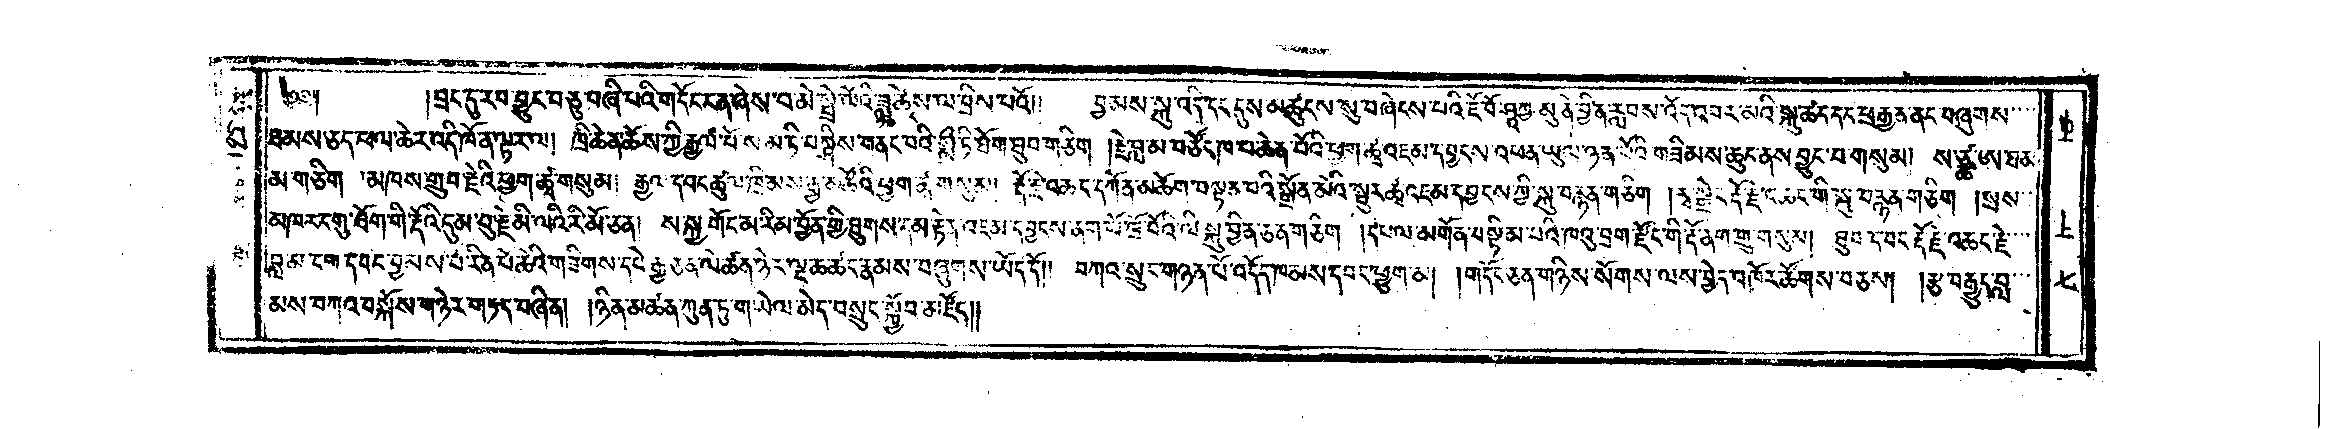༄༅། །བྲང་དུ་རབ་བྱུང་བཅུ་བཞི་པའི་གདོང་ངན་ཞེས་པ་མེ་སྤྲེ་ལོའི་ཟླ༡༠་ཚེས ༨་ལ་བྲིས་པའོ།། བྱམས་སྐུ་འདི་དང་དུས་མཚུངས་སུ་བཞེངས་པའི་ཇོ་བོ་ཤཱཀྱ་མུ་ནེ་བྱིན་རླབས་འོད་འབར་མའི་སྐུ་ཚད་དང་ཕྲ་རྒྱན་ནང་བཞུགས་
ཐམས་ཅད་ཕལ་ཆེར་འདི་ཁོ་ན་ལྟར་ལ། ཁྲི་ཆེན་ཆོས་ཀྱི་རྒྱལ་པོ་ས་མ་ཏི་པཀྴིས་གནང་བའི་སྨྲྀ་ཏི་ཐོག་ཐུབ་གཅིག །རྗེ་བླ་མ་བཙོང་ཁ་པ་ཆེན་པོའི་ཕྱག་ཚྭ་འཇམ་དབྱངས་འཕན་ཡུལ་ཉན་པོའི་གཟིམས་ཆུང་ནས་བྱུང་བ་གསུམ། ས་ཙྪ་ཨ་ཐམ་
མ་གཅིག །མཁས་གྲུབ་རྗེའི་ཕྱག་ཚྭ་གསུམ། རྒྱལ་དབང་ཚུལ་ཁྲིམས་རྒྱ་མཚོའི་ཕྱག་ཚྭ་གསུམ། རྡོ་རྗེ་འཆང་དཀོན་མཆོག་བསྟན་པའི་སྒྲོན་མེའི་སྦུར་ཚྭ་འཇམ་དབྱངས་ཀྱི་སྐུ་བརྙན་གཅིག །རྭ་སྒྲེང་རྡོ་རྗེ་འཆང་གི་སྐུ་བརྙན་གཅིག །སྲས་
མཁར་དགུ་ཐོག་གི་རྡོའི་དུམ་བུ་རྗེ་མི་ལའི་རི་མོ་ཅན། ས་སྐྱ་གོང་མ་རིམ་བྱོན་གྱི་ཐུགས་དམ་རྟེན་འཇམ་དབྱངས་ནག་པོ་ཁྲོ་བོའི་ལི་སྐུ་བྱིན་ཅན་གཅིག །དཔལ་མགོན་བསྟིམ་པའི་ཁའུ་བྲག་རྫོང་གི་རྡོ་ནག་གྲུ་གསུམ། ཐུབ་དབང་རྡོ་རྗེ་འཆང་རྗེ་
བླ་མ་ངག་དབང་བྱམས་པ་རིན་པོ་ཆེའི་གཟིགས་དཔེ་རྒྱ་ཅན་ལེ་ཚན་ཉེར་ལྔ་ཆ་ཚང་རྣམས་བཞུགས་ཡོད་དོ།། བཀའ་སྲུང་གཉན་པོ་འདོད་ཁམས་དབང་ཕྱུག་མ། །གདོང་ཅན་གཉིས་སོགས་ལས་བྱེད་འཁོར་ཚོགས་བཅས། །རྩ་བརྒྱུད་བླ་
མས་བཀའ་བསྐོས་གཉེར་གཏད་བཞིན། །ཉིན་མཚན་ཀུན་ཏུ་གཡེལ་མེད་བསྲུང་སྐྱོབ་མཛོད།།